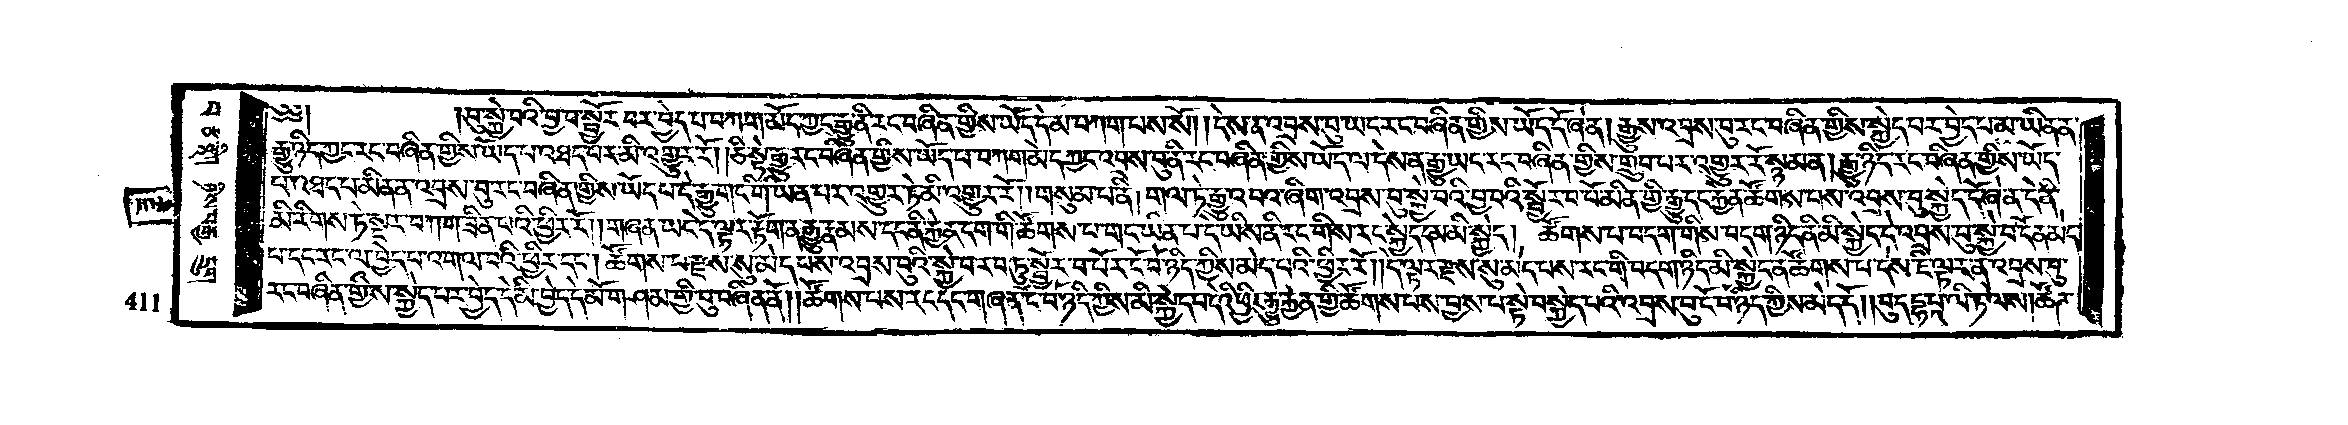༄༅། །བུ་སྐྱེ་བའི་བྱ་བ་སྦྱོར་བར་བྱེད་པ་བཀག་མོད་ཀྱང་རྒྱུ་ནི་རང་བཞིན་གྱིས་ཡོད་དེ་མ་བཀག་པས་སོ། །དེས་ན་འབྲས་བུ་ཡང་རང་བཞིན་གྱིས་ཡོད་དོ་ཞེ་ན། རྒྱུས་འབྲས་བུ་རང་བཞིན་གྱིས་སྐྱེད་པར་བྱེད་པ་མ་ཡིན་ན་
རྒྱུ་ཉིད་ཀྱང་རང་བཞིན་གྱིས་ཡོད་པ་འཐད་པར་མི་འགྱུར་རོ། །ཅི་སྟེ་རྒྱུ་རང་བཞིན་གྱིས་ཡོད་པ་བཀག་མོད་ཀྱང་འབྲས་བུ་ནི་རང་བཞིན་གྱིས་ཡོད་ལ་དེས་ན་རྒྱུ་ཡང་རང་བཞིན་གྱིས་གྲུབ་པར་འགྱུར་རོ་སྙམ་ན། རྒྱུ་ཉིད་རང་བཞིན་གྱིས་ཡོད་
པ་འཐད་པ་མིན་ན་འབྲས་བུ་རང་བཞིན་གྱིས་ཡོད་པ་དེ་རྒྱུ་གང་གི་ཡིན་པར་འགྱུར་ཏེ་མི་འགྱུར་རོ། །གསུམ་པ་ནི། གལ་ཏེ་རྒྱུ་འབའ་ཞིག་འབྲས་བུ་སྐྱེ་བའི་བྱ་བའི་སྦྱོར་བ་པོ་མིན་གྱི་རྒྱུ་དང་རྐྱེན་ཚོགས་པས་འབྲས་བུ་སྐྱེད་དོ་ཞེ་ན་དེ་ནི་
མི་རིགས་ཏེ་སྔར་བཀག་ཟིན་པའི་ཕྱིར་རོ། །གཞན་ཡང་དེ་ལྟར་རྟོག་ན་རྒྱུ་རྣམས་དང་ནི་རྐྱེན་དག་གི་ཚོགས་པ་གང་ཡིན་པ་དེ་ཡིས་ནི་རང་གིས་རང་སྐྱེད་དམ་མི་སྐྱེད། ཚོགས་པ་བདག་གིས་བདག་ཉིད་ནི་མི་སྐྱེད་དེ་འབྲས་བུ་སྐྱེ་བ་དོན་མེད་
པ་དང་རང་ལ་བྱེད་པ་འགལ་བའི་ཕྱིར་དང་། ཚོགས་པ་རྫས་སུ་མེད་པས་འབྲས་བུའི་སྐྱེ་བ་རབ་ཏུ་སྦྱོར་བ་པོར་ངོ་བོ་ཉིད་ཀྱིས་མེད་པའི་ཕྱིར་རོ། །དེ་ལྟར་རྫས་སུ་མེད་པས་རང་གི་བདག་ཉིད་མི་སྐྱེད་ན་ཚོགས་པ་དེས་ཇི་ལྟར་ན་འབྲས་བུ་
རང་བཞིན་གྱིས་སྐྱེད་པར་བྱེད་དེ་མི་བྱེད་དེ་མོ་གཤམ་གྱི་བུ་བཞིན་ནོ། །ཚོགས་པས་རང་དང་གཞན་ངོ་བོ་ཉིད་ཀྱིས་མི་སྐྱེད་པ་དེའི་ཕྱིར་རྒྱུ་རྐྱེན་གྱི་ཚོགས་པས་བྱས་པ་སྟེ་བསྐྱེད་པའི་འབྲས་བུ་ངོ་བོ་ཉིད་ཀྱིས་མེད་དོ། །བུད་དྷ་པཱ་ལི་ཏ་ལས། ཚོཌ་